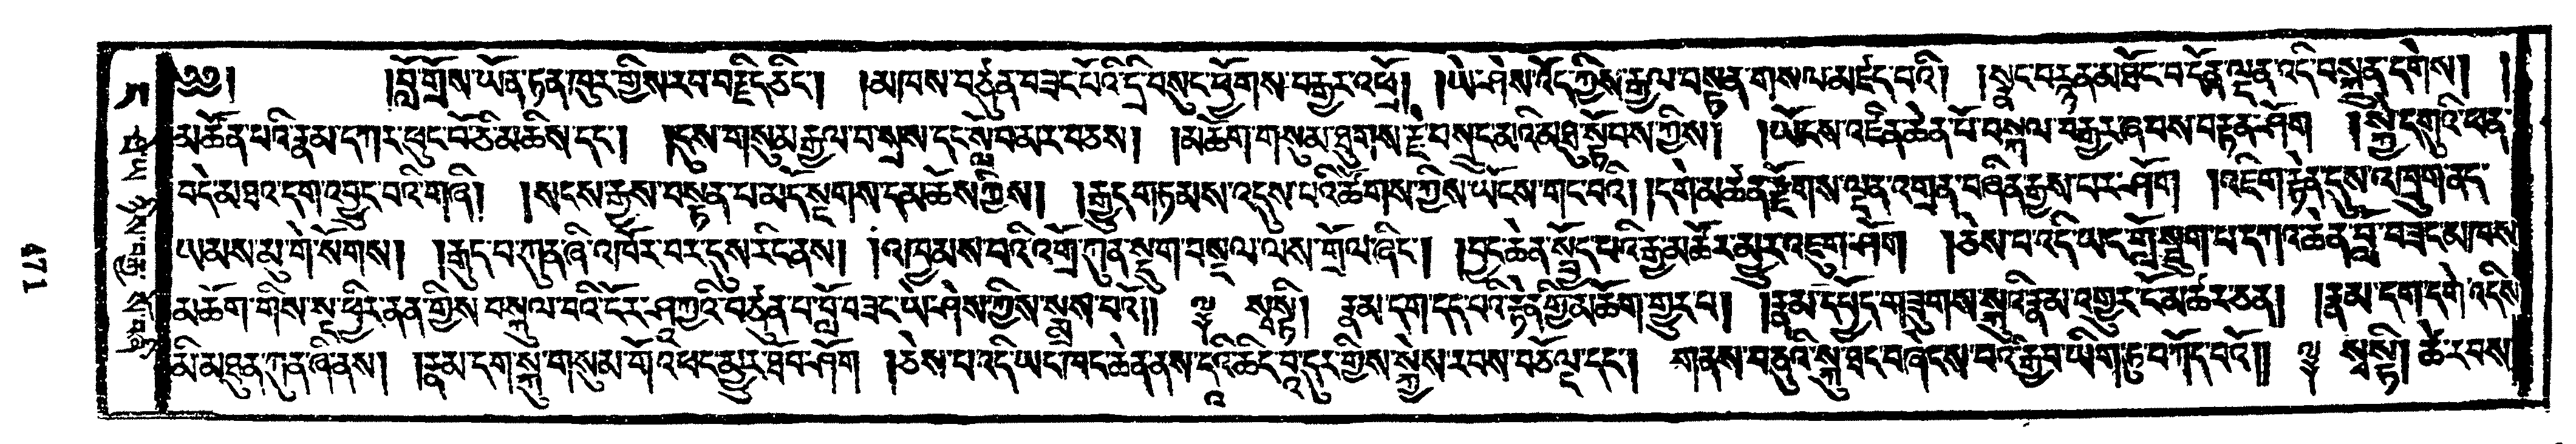༄༅། །བློ་གྲོས་ཡོན་ཏན་ཁུར་གྱིས་རབ་བརྗིད་ཅིང་། །མཁས་བཙུན་བཟང་པོའི་དྲི་བསུང་ཕྱོགས་བརྒྱར་འཕྲོ། །ཡེ་ཤེས་འོད་ཀྱིས་རྒྱལ་བསྟན་གསལ་མཛད་པའི། །སྣང་བརྙན་མཐོང་བ་དོན་ལྡན་འདི་བསྐྲུན་དགེས། །
མཚོན་པའི་རྣམ་དཀར་ཕུང་བོ་ཅི་མཆིས་དང་། །དུས་གསུམ་རྒྱལ་བ་སྲས་དང་སློབ་མར་བཅས། །མཆོག་གསུམ་ཐུགས་རྗེ་བསྲུང་མའི་མཐུ་སྟོབས་ཀྱིས། །ཡོངས་འཛིན་ཆེན་པོ་བསྐལ་བརྒྱར་ཞབས་བརྟན་ཤོག །སྐྱེ་དགུའི་ཕན་
བདེ་མཐའ་དག་འབྱུང་བའི་གཞི། །སངས་རྒྱས་བསྟན་པ་མདོ་སྔགས་དམ་ཆོས་ཀྱིས། །རྒྱུད་གཏམས་འདུས་པའི་ཚོགས་ཀྱིས་ཡོངས་གང་བའི། །དགེ་མཚན་རྫོགས་ལྡན་འགྲན་བཞིན་རྒྱས་པར་ཤོག །འཇིག་རྟེན་དུས་འཁྲུག་ནད་
ཡམས་མུ་གེ་སོགས། །རྒུད་པ་ཀུན་ཞི་འཁོར་བར་དུས་རིང་ནས། །འཁྱམས་བའི་འགྲོ་ཀུན་སྡུག་བསྔལ་ལས་གྲོལ་ཞིང་། །བྱང་ཆེན་སྤྱོད་པའི་རྒྱ་མཚོར་མྱུར་འཇུག་ཤོག །ཅེས་པ་འདི་ཡང་གློ་སྤུག་པ་དཀའ་ཆེན་བློ་བཟང་མཁས་
མཆོག་གིས་སྔ་ཕྱིར་ནན་གྱིས་བསྐུལ་བའི་ངོར་ཤའྐྱའི་བཙུན་པ་བློ་བཟང་ཡེ་ཤེས་ཀྱིས་སྨྲས་པའོ།། ༈ སྭྶྟི། རྣམ་དག་དད་པའི་རྟེན་གྱི་མཆོག་གྱུར་པ། །རྣམ་དཔྱོད་གཟུགས་སྐུའི་རྣམ་འགྱུར་ངོ་མཚར་ཅན། །རྣམ་དག་དགེ་འདིས་
མི་མཐུན་ཀུན་ཞི་ནས། །རྣམ་དག་སྐུ་གསུམ་གོ་འཕང་མྱུར་ཐོབ་ཤོག །ཅེས་པ་འདི་ཡང་ཁང་ཆེན་ནས་དའི་ཆིང་བཱ་དུར་གྱིས་སྐྱེས་རབས་བཅོ་ལྔ་དང་། གནས་བཅུའི་སྐུ་ཐང་བཞེངས་བའི་རྒྱབ་ཡིག་ཏུ་བཀོད་བའོ།། ༈ སྭྶྟི། ཚེ་རབས་